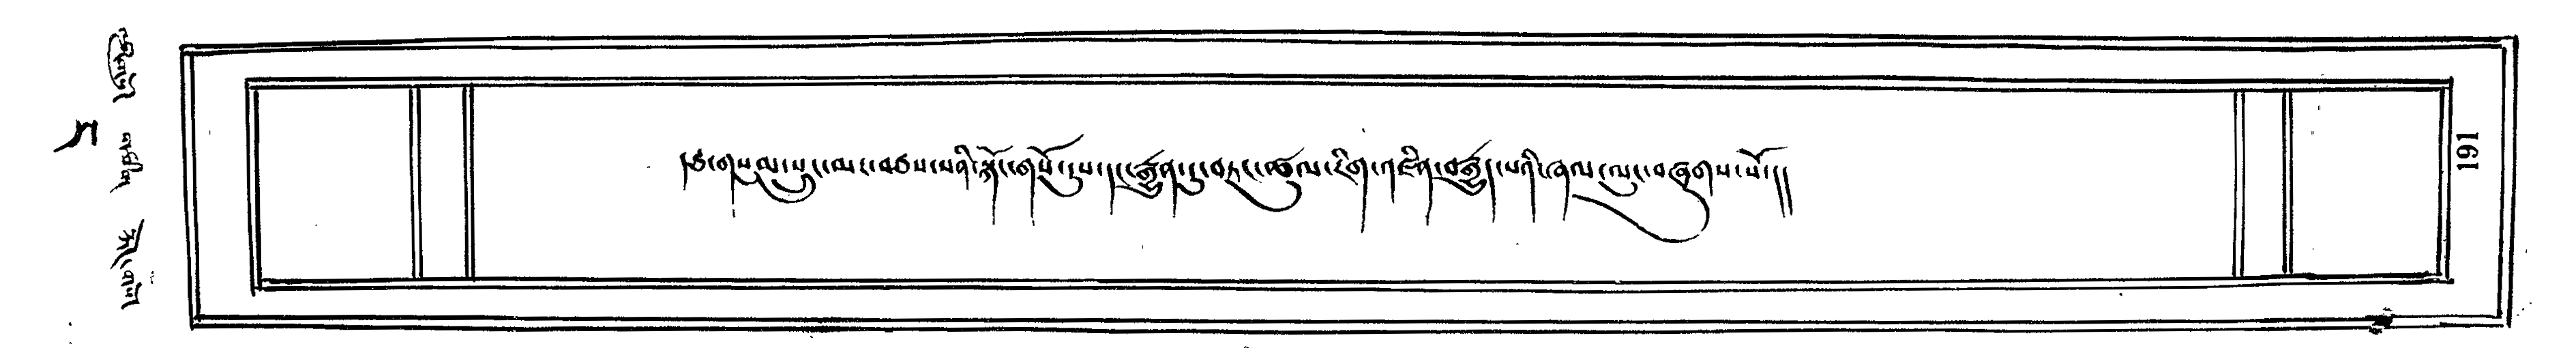རྩ་གསུམ་སྲུང་མར་བཅས་པའི་སྐོང་གསོ་དུས་དང་རྒྱུན་དུ་བགཏོང་ཚུལ་རིག་འཛིན་རྒྱུད་པའི་ཞལ་ལུང་བཞུགས་སོ།།